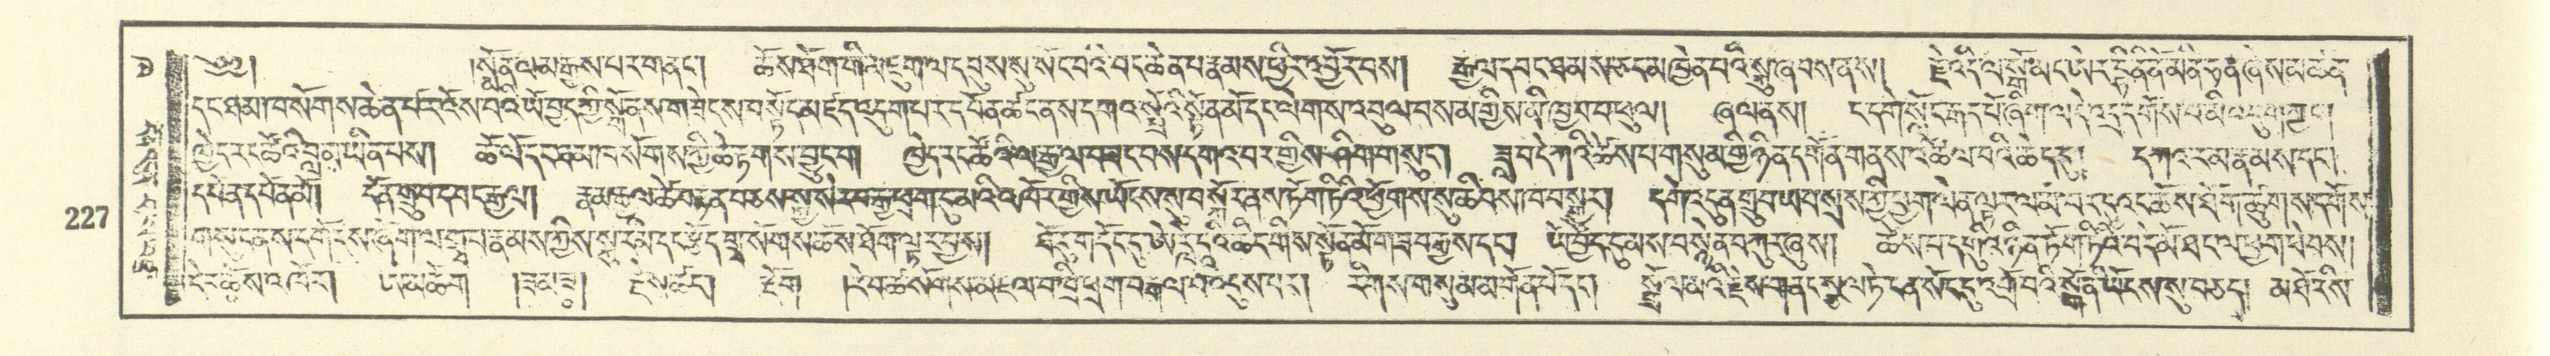༄༅། །སྨོན་ལམ་རྒྱས་པར་གནང་། ཆོས་ཐོག་གི་མཇུག་ལ་དབུས་སུ་སོང་བའི་བང་ཆེན་པ་རྣམས་ཕྱིར་འབྱོར་བས། རྒྱལ་དབང་ཐམས་ཅད་མཁྱེན་པའི་སྐུ་ཞབས་ནས། རྗེ་འདི་ལ་སྒོ་མང་ཨེར་དྷི་ནི་ནོ་མིན་ཧན་ཞེས་མཚན་
དང་ཐམ་ཁ་སོགས་ཆེན་པོར་འོས་པའི་ཡོ་བྱད་ཀྱི་སྒོ་ནས་གཟེངས་བསྟོད་མཛད་འདུག་པར་དཔོན་ཚང་ནས་དགའ་སྤྲོའི་སྟོན་མོ་དང་ལེགས་འབུལ་བསམ་གྱིས་མི་ཁྱབ་པ་ཕུལ། ཞལ་ནས། ང་དགེ་སློང་རྒད་པོ་ཞིག་ལ་དེ་འདྲ་དགོས་པ་མི་འདུག་ཀྱང་།
ཁྱེད་རང་ཚོའི་བླ་མ་ཡིན་པས། ཆོ་ལོ་དང་ཐམ་ཁ་སོགས་ཀྱི་ཆེ་རྟགས་བྱུང་པ། ཁྱེད་རང་ཚོའི་ལ་རྒྱལ་བཟང་བས་དགའ་བར་གྱིས་ཤིག་གསུང་། ཟླ་བ་དེ་ཀའི་ཚེས་པ་གསུམ་གྱི་ཉིན་དགོན་གནས་འཚོལ་བའི་ཆེད་དུ། དཀའ་རམ་རྣམས་དང་།
དཔོན་དཔོན་མོ། དོན་གྲུབ་དབང་རྒྱལ། རྣམ་རྒྱལ་ཚེ་བརྟན་བཅས་སྐྱ་སེར་བརྒྱ་ཕྲག་དུ་མའི་འཁོར་གྱིས་ཡོངས་སུ་བསྐོར་ནས་ཏོག་ཏིའི་ཕྱོགས་སུ་ཆིབས་ཁ་བསྒྱུར། དགེ་འདུན་གྲུབ་ཡབ་སྲས་ཀྱི་ཕྱག་ལེན་ལྟར་ལམ་བར་དུའང་ཆོས་ཐོག་ཚུགས་དགོས་
གསུང་ནས་དགོངས་ཞོག་ལ་གྲྭ་པ་རྣམས་ཀྱིས་སྐུ་རིམ་དང་རྩོད་གྲྭ་སོགས་ཆོས་ཐོག་ལྟར་བྱས། ཐོ་རུ་གདོང་དུ་ཨེརྑེ་དཱའི་ཆིང་གིས་སྟོན་མོ་གཟབ་རྒྱས་དང་། ཡོ་བྱེད་དུ་མས་བསྙེན་བཀུར་ཞུས། ཚེས་པ་དགུའི་ཉིན་ཏོག་ཏིའི་བདེ་མོ་ཐང་ལ་ཕྱག་ཕེབས།
དེར་ཆོས་འཁོར། ཨ་མཆོག །ཟམ་ཟ། རྗེས་ཚང་། རྡོག །རེ་བ་ཚ་སོགས་མཇལ་བ་ཁྲི་ཕྲག་བརྒལ་བ་འདུས་པར། རིགས་གསུམ་མགོན་པོ་དང་། སྒྲོལ་མའི་རྗེས་གནང་སྩལ་ཏེ་ངན་སོང་དུ་འགྲོ་བའི་སྒོ་ནི་ཡོངས་སུ་བཅད། མཐོ་རིས་